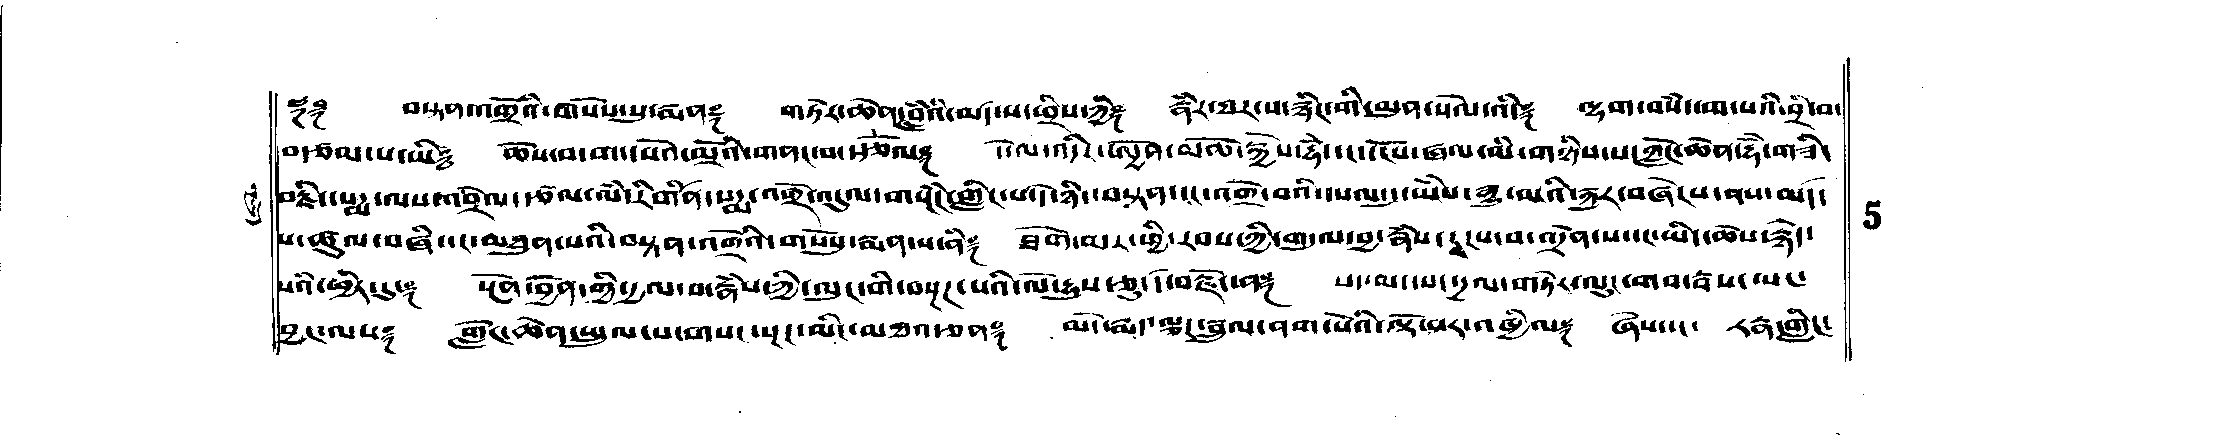བསྟན་འགྲོའི་གསོས་སུ་སྨན། །གཏེར་ཆེན་བླ་མའི་མཛད་པ་ཕྲིན་ལས་ཀྱི། །རྣམ་པར་ཐར་པ་སྙིང་གི་མུན་སེལ་འདི། །ལྷག་བསམ་དག་པའི་བྲི་བ་
བརྩམ་པ་ཡི། །ཆོས་བདག་དཔའ་བོ་མཁའ་འགྲོའི་གནང་བ་སྩོལ། །དེ་ལ་འདིར་ཨོ་རྒྱན་མཚོ་སྐྱེས་རྡོ་རྗེ་དང་དངོས་ཞལ་མི་གཉིས་པ་ཀློང་ཆེན་རྡོ་རྗེ་གཟི་
བརྗིད་པདྨ་ལས་འབྲེལ་རྩལ་ལམ་རིག་འཛིན་པདྨ་འགྲོ་འདུལ་གསང་སྔགས་གླིང་པ་དེ་ཉིད་བསྟན་དང་འགྲོ་བའི་དཔལ་དུ་ཡེ་ཤེས་སྒྱུ་མའི་སྐུར་བཞེངས་ནས་མཛད་
པ་ཚུལ་བཞི་དང་མཐུན་པའི་བསྟན་འགྲོའི་གསོས་སུ་སྨན་པ་ནི། ཐོག་མར་ཕྱི་རབས་ཀྱི་གདུལ་བྱ་རྣམས་དྭངས་བ་འདྲེན་པ་དང་ཡིད་ཆེས་རྙེད་
པའི་ཕྱིར་དུ། སྔོན་བྱོན་གྱི་རྒྱལ་བ་རྣམས་ཀྱི་ལུང་གི་བསྔགས་པའི་ལོ་རྒྱུས་ཅུང་ཟད་བརྗོད་ན། པད་མ་དབང་རྒྱལ་གཏེར་ལུང་གབ་སྦས་ཡང་
བྱང་ལས། ཀློང་ཆེན་སྤྲུལ་པ་གསང་སྔགས་མིང་མཐའ་ཅན། །མདོ་སྨད་ལྕགས་སྦྲུལ་ནག་པོའི་ལྟོ་བར་འཁྱིལ། །ཞེས་དང་། རཏ་གླིང་